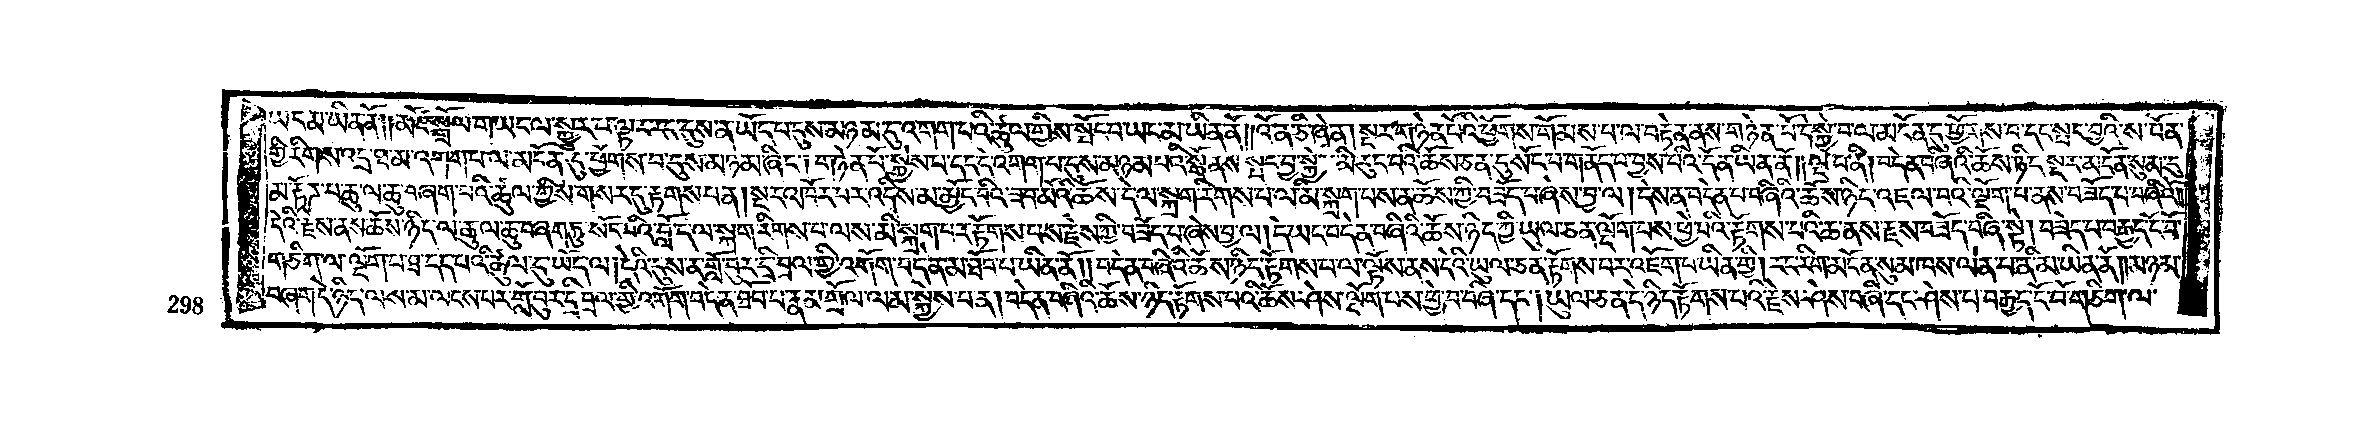ཡང་མ་ཡིན་ནོ། །མཛོ?་སྒྲོལ་གཡང་ལ་སྐྱུར་པ་ལྟར་རང་དུས་ན་ཡོད་པ་དུས་མཉམ་དུ་འགག་པའི་ཚུལ་གྱིས་སྤོང་བ་ཡང་མ་ཡིན་ནོ། །འོ་ན་ཅི་ཞེ་ན། སྔར་གཉེན་པོའི་ཕྱོགས་གོམས་པ་ལ་བརྟེན་ནས་གཉེན་པོ་དེ་སྐྱེ་བ་ལ་མངོན་དུ་ཕྱོགས་པ་དང་སྤང་བྱའི་ས་བོན་
གྱི་རིགས་འདྲ་ཐ་མ་འགག་པ་ལ་མངོན་དུ་ཕྱོགས་པར་དུས་མཉམ་ཞིང་། གཉེན་པོ་སྐྱེས་པ་དང་དེ་འགག་པ་དུས་མཉམ་པའི་སྒོ་ནས་སྤང་བྱ་སྐྱེ་མི་རུང་བའི་ཆོས་ཅན་དུ་སོང་བ་གནོད་པ་བྱས་པའི་དོན་ཡིན་ནོ། །ལྔ་པ་ནི། བདེན་བཞིའི་ཆོས་ཉིད་སྔར་མངོན་སུམ་དུ་
མ་རྟོགས་པ་ཆུ་ལ་ཆུ་བཞག་པའི་ཚུལ་གྱིས་གསར་དུ་རྟགས་པ་ན། སྔར་འཁོར་བར་འདིས་མ་མྱོང་བའི་ཟབ་མོའི་ཆོས་དེ་ལ་སྐྲག་རིགས་པ་ལ་མི་སྐྲག་པས་ན་ཆོས་ཀྱི་བཟོད་པ་ཞེས་བྱ་ལ། དེས་ན་བདེན་པ་བཞིའི་ཆོས་ཉིད་འཇལ་བའི་ལྡོག་པ་ནས་བཟོད་པ་བཞིའོ། །
དེའི་རྗེས་ནས་ཆོས་ཉིད་ལ་ཆུ་ལ་ཆུ་བཞག་ཏུ་སོང་བའི་བློ་དེ་ལ་སྐག་རིགས་པ་ལས་མི་སྐྲག་པར་རྟོགས་པས་རྗེས་ཀྱི་བཟོད་པ་ཞེས་བྱ་ལ། དེ་ཡང་བདེན་བཞིའི་ཆོས་ཉིད་ཀྱི་ཡུལ་ཅན་ལྡོག་པས་ཕྱེ་བའི་རྟོགས་པའི་ཆ་ནས་རྗེས་བཟོད་བཞི་སྟེ། བཟེད་པ་བརྒྱད་ངོ་བོ་
གཅིག་ལ་ལྡོག་པ་ཐ་དད་པའི་ཚུལ་དུ་ཡོད་ལ། དེའི་དུས་ན་གློ་བུར་དྲི་བྲལ་གྱི་འགོག་བདེན་མ་ཐོབ་པ་ཡིན་ནོ། །བདེན་བཞིའི་ཆོས་ཉིད་རྟོགས་པ་ལ་ལྟོས་ནས་དེའི་ཡུལ་ཅན་རྟོགས་པར་འཇོག་པ་ཡིན་གྱི་།རང་རིག་མངོན་སུམ་ཁས་ལེན་པ་ནི་མ་ཡིན་ནོ། །མཉམ་
བཞག་དེ་ཉིད་ལས་མ་ལངས་པར་གློ་བུར་དྲི་བྲལ་གྱི་འགོག་བདེན་ཐོབ་པ་རྣམ་གྲོལ་ལམ་སྐྱེས་པ་ན། བདེན་བཞིའི་ཆོས་ཉིད་རྟོགས་པའི་ཆོས་ཤེས་ལྡོག་པས་ཕྱེ་བ་བཞི་དང་། ཡུལ་ཅན་དེ་ཉིད་རྟོགས་པའི་རྗེས་ཤེས་བཞི་དང་ཤེས་པ་བརྒྱད་ངོ་བོ་གཅིག་ལ་